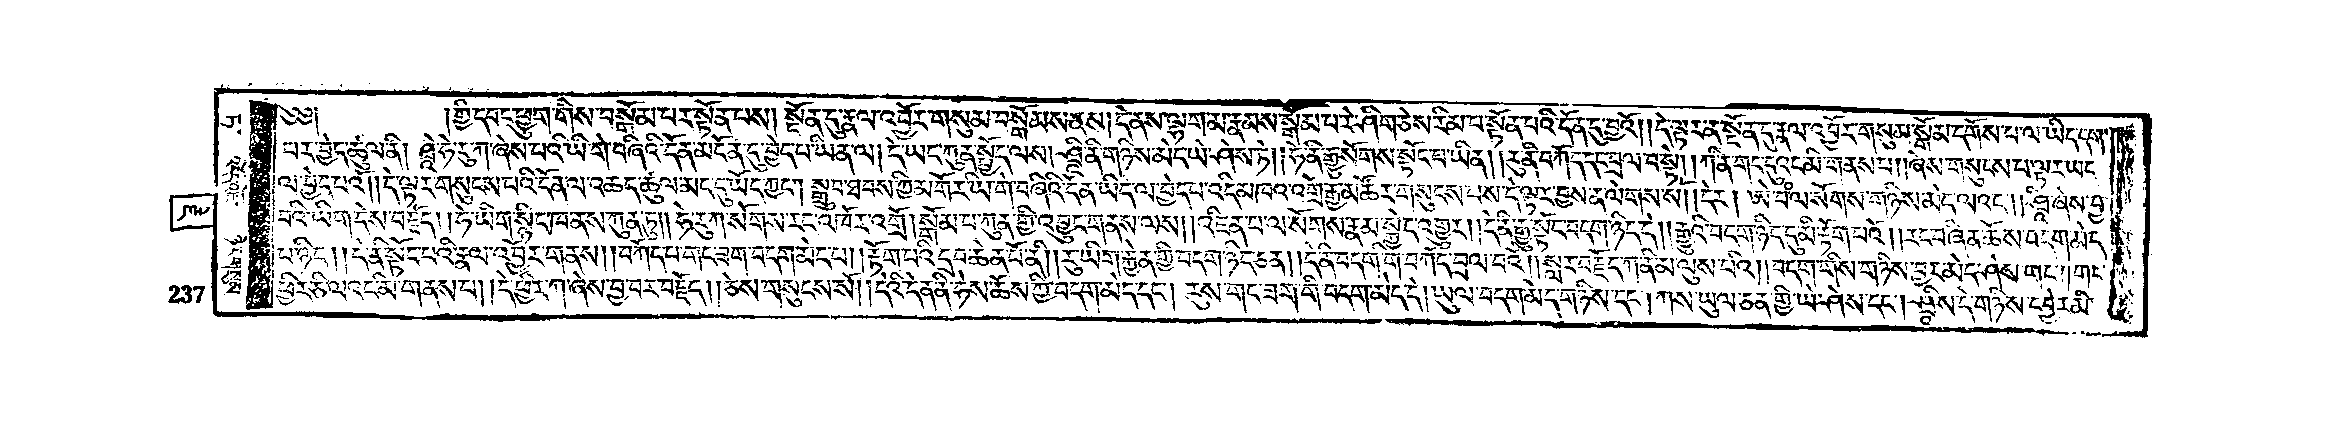༄༅། །གྱི་དབང་ཕྱུག་གིས་བསྒོམ་པར་སྟོན་པས། སྔོན་དུ་རྣལ་འབྱོར་གསུམ་བསྒོམས་ནས། དེ་ནས་ལྷག་མ་རྣམས་སྒོམ་པ་རེ་ཤིག་ཅེས་རིམ་པ་སྟོན་པའི་དོན་དུ་བྱའོ། །དེ་ལྟར་ན་སྔོན་དུ་རྣལ་འབྱོར་གསུམ་སྒོམ་དགོས་པ་ལ་ཡིད་དག་
པར་བྱེད་ཚུལ་ནི། ཤྲཱི་ཧེ་རུ་ཀ་ཞེས་པའི་ཡི་གེ་བཞིའི་དོན་མངོན་དུ་བྱེད་པ་ཡིན་ལ། དེ་ཡང་ཀུན་སྤྱོད་ལས། ཤྲཱི་ནི་གཉིས་མེད་ཡེ་ཤེས་ཏེ། །ཧེ་ནི་རྒྱུ་སོགས་སྟོང་པ་ཡིན། །རུ་ནི་བཀོད་དང་བྲལ་བ་སྟེ། །ཀ་ནི་གང་དུའང་མི་གནས་པ། །ཞེས་གསུངས་པ་ལྟར་ཡིད་
ལ་བྱེད་པའོ། །དེ་ལྟར་གསུངས་པའི་དོན་ལ་འཆད་ཚུལ་མང་དུ་ཡོད་ཀྱང་། སྒྲུབ་ཐབས་ཀྱི་མགོར་ཡི་གེ་བཞིའི་དོན་ཡིད་ལ་བྱེད་པ་འདི་མཁའ་འགྲོ་རྒྱ་མཚོར་གསུངས་པས་དེ་ལྟར་བྱས་ན་ལེགས་སོ། །དེར། ཨེ་བཾ་ལ་སོགས་གཉིས་མེད་ལའང་། །ཤྲཱི་ཞེས་བྱ་
བའི་ཡིག་དེས་བརྗོད། །ཧེ་ཡིག་སྙིང་ཁ་ནས་ཀུན་ཏུ། །ཧེ་རུ་ཀ་སོགས་རང་འཁོར་འགྲོ་།སྒོམ་པ་ཀུན་གྱི་འབྱུང་གནས་ལས། །འཛིན་པ་ལ་སོགས་རྣམ་སྐྱེད་འགྱུར། །དེ་ནི་རྒྱུ་སྟོང་བདག་ཉིད་དེ། །རྒྱུའི་བདག་ཉིད་དུ་མི་རྟོག་པའོ། །རང་བཞིན་ཆོས་བདག་མེད་
པ་ཉིད། །དེ་ནི་སྟོང་པའི་རྣལ་འབྱོར་གནས། །བཀོད་པ་གང་ཟག་བདག་མེད་པ། །རྟོག་པའི་དྲ་བ་ཆེན་པོ་ནི། །རུ་ཡིག་རྐྱེན་གྱི་བདག་ཉིད་ཅན། །དེ་ནི་བདག་གི་བཀོད་བྲལ་བའོ། །སླར་བརྗོད་ཀ་ནི་མ་ལུས་པའི། །བདག་གིས་གཉིས་བྱར་མེད་ཤེས་གང་། །གང་
ཕྱིར་ཅི་ལའང་མི་གནས་པ། །དེ་ཕྱིར་ཀ་ཞེས་བྱ་བར་བརྗོད། །ཅེས་གསུངས་སོ། །དེའི་དོན་ནི་ཧེས་ཆོས་ཀྱི་བདག་མེད་དང་། རུས་གང་ཟག་གི་བདག་མེད་དེ། ཡུལ་བདག་མེད་གཉིས་དང་། ཀས་ཡུལ་ཅན་གྱི་ཡེ་ཤེས་དང་། ཤྲཱིས་དེ་གཉིས་དབྱེར་མི་